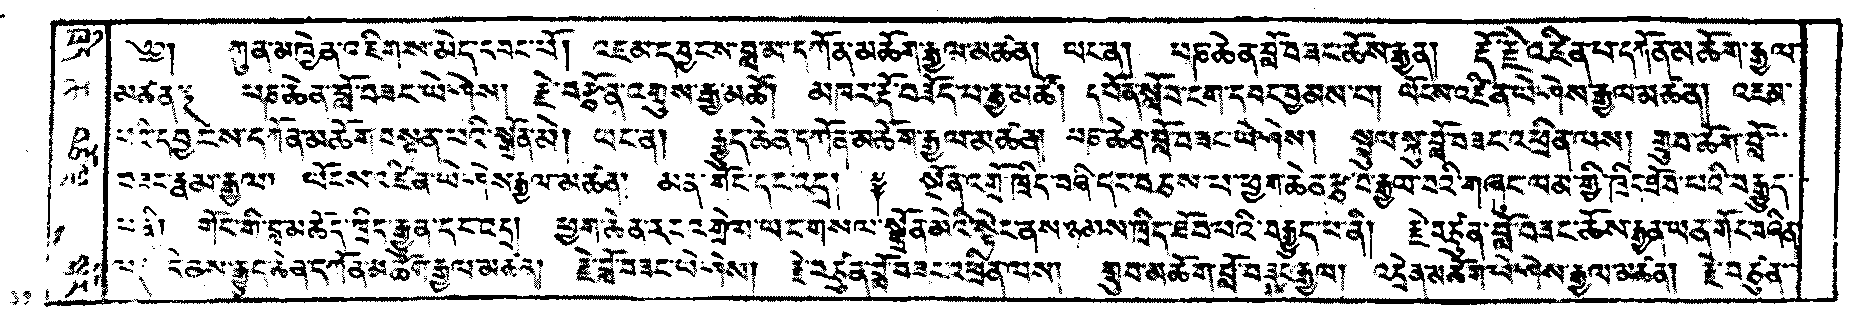༄༅། །ཀུན་མཁྱེན་འཇིགས་མེད་དབང་པོ། འཇམ་དབྱངས་བླ་མ་དཀོན་མཆོག་རྒྱལ་མཚན། ཡང་ན། པཎ་ཆེན་བློ་བཟང་ཆོས་རྒྱན། རྡོ་རྗེ་འཛིན་པ་དཀོན་མཆོག་རྒྱལ་
མཚན༑ པཎ་ཆེན་བློ་བཟང་ཡེ་ཤེས། རྗེ་བརྩོན་འགྲུས་རྒྱ་མཚོ། མཁར་རྡོ་བཟོད་པ་རྒྱ་མཚོ། དཔོན་སློབ་ངག་དབང་བྱམས་པ། ཡོངས་འཛིན་ཡེ་ཤེས་རྒྱལ་མཚན། འཇམ་
པའི་དབྱངས་དཀོན་མཆོག་བསྟན་པའི་སྒྲོན་མེ། ཡང་ན། རྒྱུད་ཆེན་དཀོན་མཆོག་རྒྱལ་མཚན། པཎ་ཆེན་བློ་བཟང་ཡེ་ཤེས། སྤྲུལ་སྐུ་བློ་བཟང་འཕྲིན་ལས། གྲུབ་ཆོག་བློ་
བཟང་རྣམ་རྒྱལ། ཡོངས་འཛིན་ཡེ་ཤེས་རྒྱལ་མཚན། མན་གོང་དང་འདྲ། ༈ སྔོན་འགྲོ་ཁྲིད་བཞི་དང་བཅས་པ་ཕྱག་ཆེན་རྩ་བ་རྒྱལ་བའི་གཞུང་ལམ་གྱི་ཁྲིད་ཐོབ་པའི་བརྒྱུད་
པ་ནི། གོང་གི་བླ་མཆོད་ཁྲིད་རྒྱུན་དང་འདྲ། ཕྱག་ཆེན་རང་འགྲེལ་ཡང་གསལ་སྒྲོན་མེའི་སྟེང་ནས་ཉམས་ཁྲིད་ཐོབ་པའི་བརྒྱུད་པ་ནི། རྗེ་བཙུན་བློ་བཟང་ཆོས་རྒྱན་ཡན་གོང་བཞིན་
ལ༑ དེ་ནས་རྒྱུད་ཆེན་དཀོན་མཆོག་རྒྱལ་མཚན། རྗེ་བློ་བཟང་ཡེ་ཤེས། རྗེ་བཙུན་བློ་བཟང་འཕྲིན་ལས། གྲུབ་མཆོག་བློ་བཟང་རྣམ་རྒྱལ། འདྲེན་མཆོག་ཡེ་ཤེས་རྒྱལ་མཚན། རྗེ་བཙུན་